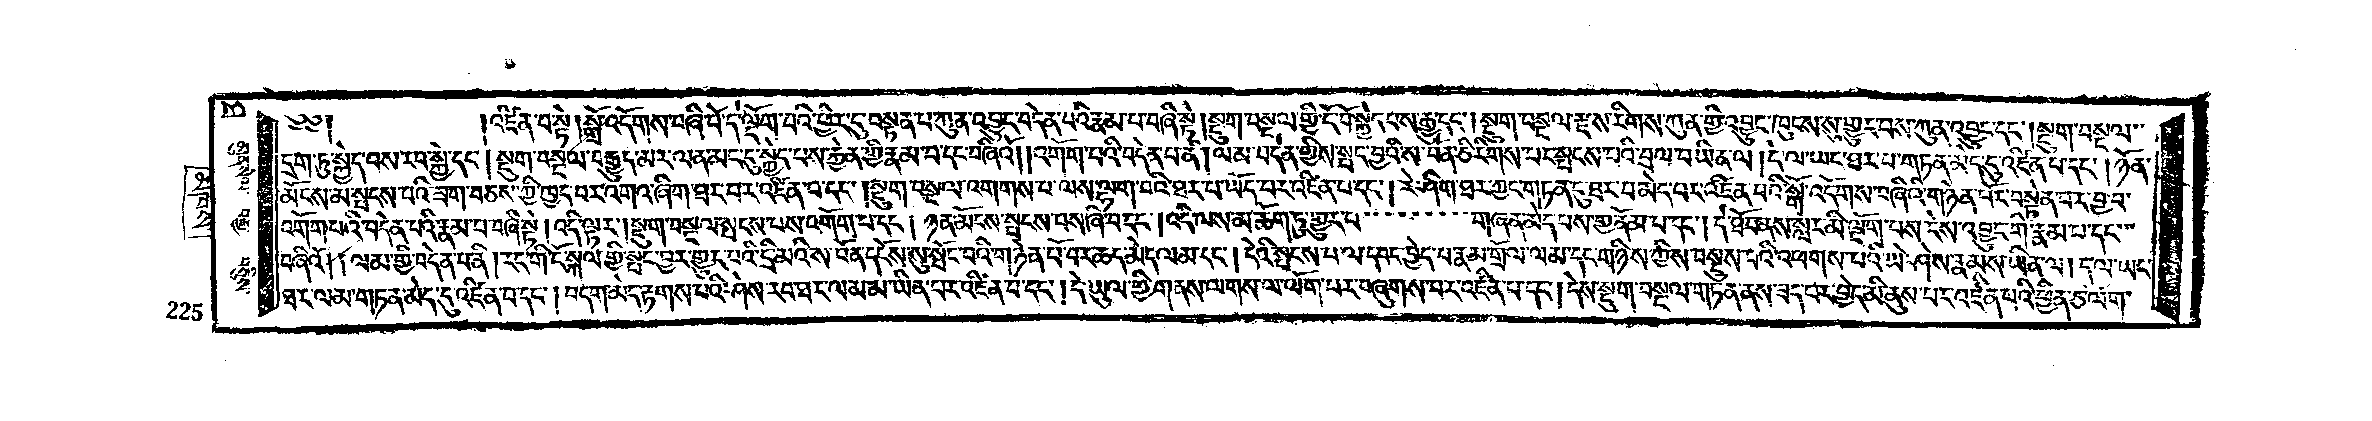༄༅། །འཛིན་པ་སྟེ། སྒྲོ་འདོགས་བཞི་པོ་དེ་ལྡོག་པའི་ཕྱིར་དུ་བསྟན་པ་ཀུན་འབྱུང་བདེན་པའི་རྣམ་པ་བཞི་སྟེ། སྡུག་བསྔལ་གྱི་ངོ་བོ་སྐྱེད་པས་རྒྱུ་དང་། སྡུག་བསྔལ་རྫས་རིགས་ཀུན་གྱི་འབྱུང་ཁུངས་སུ་གྱུར་བས་ཀུན་འབྱུང་དང་། སྡུག་བསྔལ་
དྲག་ཏུ་སྐྱེད་བས་རབ་སྐྱེ་དང་། སྡུག་བསྔལ་བ་རྒྱུད་མར་ལན་མང་དུ་སྐྱེད་པས་རྐྱེན་གྱི་རྣམ་པ་དང་བཞིའི། །འགོག་པའི་བདེན་པ་ནི། ལམ་བདེན་གྱིས་སྤང་བྱའི་ས་བོན་ཅི་རིགས་པར་སྤངས་པའི་བྲལ་བ་ཡིན་ལ། དེ་ལ་ཡང་ཐར་པ་གཏན་མེད་དུ་འཛིན་པ་དང་། ཉོན་
མོངས་མ་སྤངས་པའི་ཟག་བཅས་ཀྱི་ཁྱད་པར་འགའ་ཞིག་ཐར་པར་འཛིན་པ་དང་། སྡུག་བསྔལ་འགགས་པ་ལས་ལྷག་པའི་ཐར་པ་ཡོད་པར་འཛིན་པ་དང་། རི་ཤིག་ཐར་ཀྱང་གཏན་དུ་ཐར་པ་མེད་པར་འཛིན་པའི་སྒྲོ་འདོགས་བཞིའི་གཉེན་པོར་བསྟེན་པར་བྱ་བ་
འགོག་པའི་བདེན་པའི་རྣམ་པ་བཞི་སྟེ། འདི་ལྟར། སྡུག་བསྔལ་སྤངས་པས་འགོག་པ་དང་། ཉན་མོངས་སྤངས་པས་ཞི་བ་དང་། འདི་ལས་མ་ཆོག་ཏུ་གྱུར་བ་གཞན་མེད་པས་གྱ་ནོམ་པ་དང་། དེ་ཐོབ་ནས་སླར་མི་ལྡོག་པས་ངེས་འབྱུང་གི་རྣམ་པ་དང་
བཞིའོ། །ལམ་གྱི་བདེན་པ་ནི། རང་གི་ངོ་སྐལ་གྱི་སྤང་བྱར་གྱུར་པའི་དྲི་མའི་ས་བོན་དངོས་སུ་སྤོང་པའི་གཉན་པོ་བར་ཆད་མེད་ལམ་དང་། དེའི་སྤངས་པ་ལ་དབང་བྱེད་པ་རྣམ་གྲོལ་ལམ་དང་གཉིས་ཀྱིས་བསྡུས་པའི་འཕགས་པའི་ཡེ་ཤེས་རྣམས་ཡིན་ལ། དེ་ལ་ཡང་
ཐར་ལམ་གཏན་མེད་དུ་འཛིན་པ་དང་། བདག་མེད་རྟོགས་པའི་ཤེས་རབ་ཐར་ལམ་མ་ཡིན་པར་འཛིན་པ་དང་། དེ་ཡུལ་གྱི་གནས་ལུགས་ལ་ལོག་པར་བཞུགས་པར་འཛིན་པ་དང་། དེས་སྡུག་བསྔལ་གཏན་ནས་ཟད་པར་བྱེད་མི་ནུས་པར་འཛིན་པའི་ཕྱིན་ཅི་ལོག་